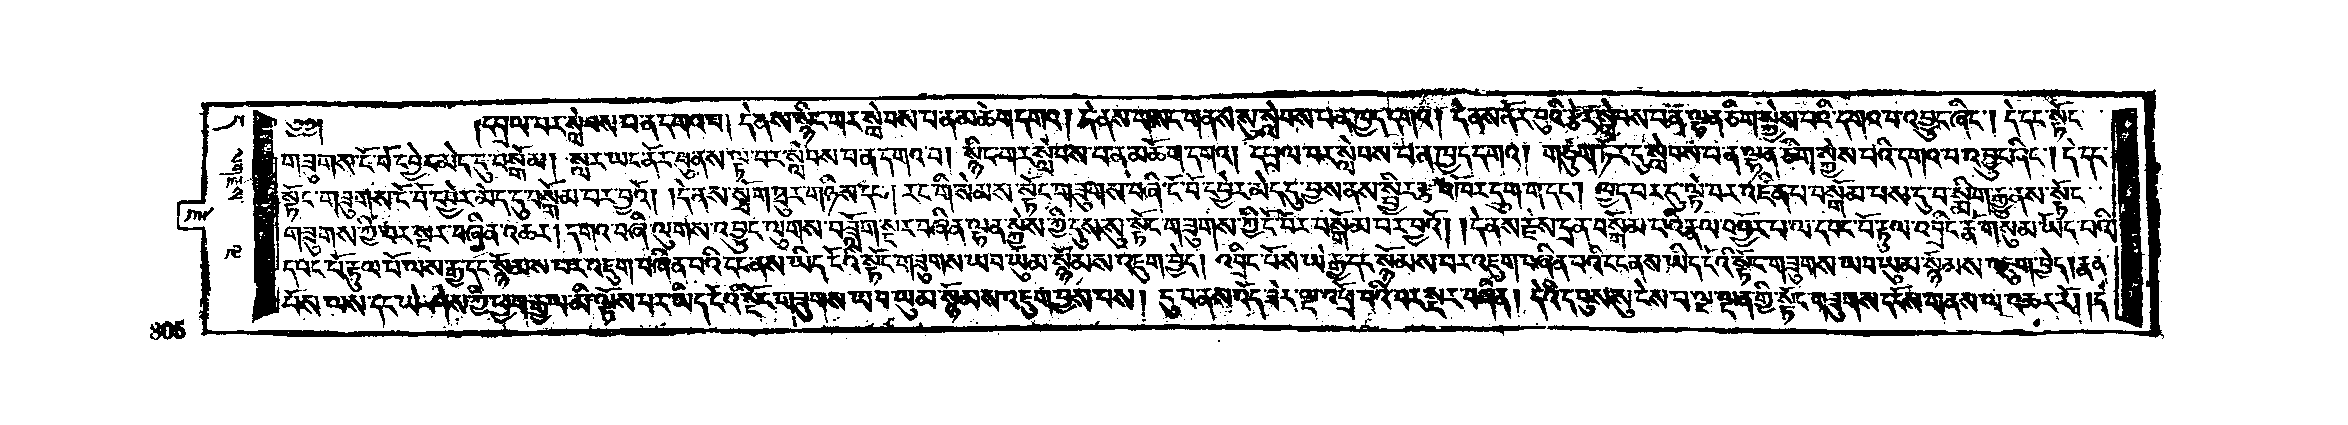༄༅། །དཔྲལ་བར་སླེབས་པ་ན་དགའ་བ། དེ་ནས་སྙིང་གར་སླེབས་པ་ན་མཆོག་དགའ། དེ་ན་གསང་གནས་སུ་སླེབས་པ་ན་ཁྱད་དགའ། དེ་ནས་ནོར་བུའི་རྩེར་སླེབས་པ་ན་ལྷན་ཅིག་སྐྱེས་པའི་དགའ་བ་འབྱུང་ཞིང་། དེ་དང་སྟོང་
གཟུགས་ངོ་བོ་དབྱེར་མེད་དུ་བསྒོམ། སླར་ཡང་ནོར་བུ་ནས་ལྟ་བར་སླེབས་པ་ན་དགའ་བ། སྙིང་གར་སླེབས་པ་ན་མཆོག་དགའ། དཔྲལ་བར་སླེབས་པ་ན་ཁྱད་དགའ། གཙུག་ཏོར་དུ་སླེབས་པ་ན་ལྷན་ཅིག་སྐྱེས་པའི་དགའ་བ་འབྱུང་ཞིང་། དེ་དང་
སྟོང་གཟུགས་ངོ་བོ་དབྱེར་མེད་དུ་བསྒོམ་པར་བྱའོ། །དེ་ནས་སྲོག་ཐུར་གཉིས་དང་། རང་གི་སེམས་སྟོང་གཟུགས་བཞི་ངོ་བོ་དབྱེར་མེད་དུ་བྱས་ནས་སྤྱིར་རྩ་འཁོར་དྲུག་ག་དང་། ཁྱད་པར་དུ་ལྟེ་བར་འཛིན་པ་བསྒོམ་པས་དུ་བ་སྨིག་རྒྱུ་ནས་སྟོང་
གཟུགས་ཀྱི་བར་སྔར་བཞིན་འཆར། དགའ་བཞི་ལུགས་འབྱུང་ལུགས་བཟློག་སྔར་བཞིན་ལྷན་སྐྱེས་ཀྱི་དུས་སུ་སྟོང་གཟུགས་ཀྱི་ངོ་བོར་བསྒོམ་པར་བྱའོ། །དེ་ནས་རྗེས་དྲན་བསྒོམ་པའི་རྣལ་འབྱོར་པ་ལ་དབང་པོ་རྟུལ་འབྲིང་རྣོ་གསུམ་ཡོད་པའི་
དབང་པོ་རྟུལ་པོ་ལས་རྒྱ་དང་སྙོམས་པར་འཇུག་བཞིན་པའི་ངང་ནས་ཡིད་ངོའི་སྟོང་གཟུགས་ཡབ་ཡུམ་སྙོམས་འཇུག་བྱེད། འབྲིང་པོས་ཡེ་རྒྱུ་དང་སྙོམས་པ་འཇུག་བཞིན་པའི་ངང་ནས་ཡིད་ངོའི་སྟོང་གཟུགས་ཡབ་ཡུམ་སྙོམས་འཇུག་བྱེད། རྣན་
པོས་ལས་དང་ཡེ་ཤེས་ཀྱི་ཕྱག་རྒྱ་ལ་མི་ལྟོས་པར་ཡིད་ངོའི་སྟོང་གཟུགས་ཡབ་ཡུམ་སྙོམས་འཇུག་བྱས་ལ། དུ་བ་ནས་འོད་ཟེར་ལྔ་འཕྲོ་བའི་བར་སྔར་བཞིན། དེའི་དབུས་སུ་ངེས་པ་ལྔ་ལྡན་གྱི་སྟོང་གཟུགས་དངོས་གནས་ལ་འཆར་རོ། །དེ་